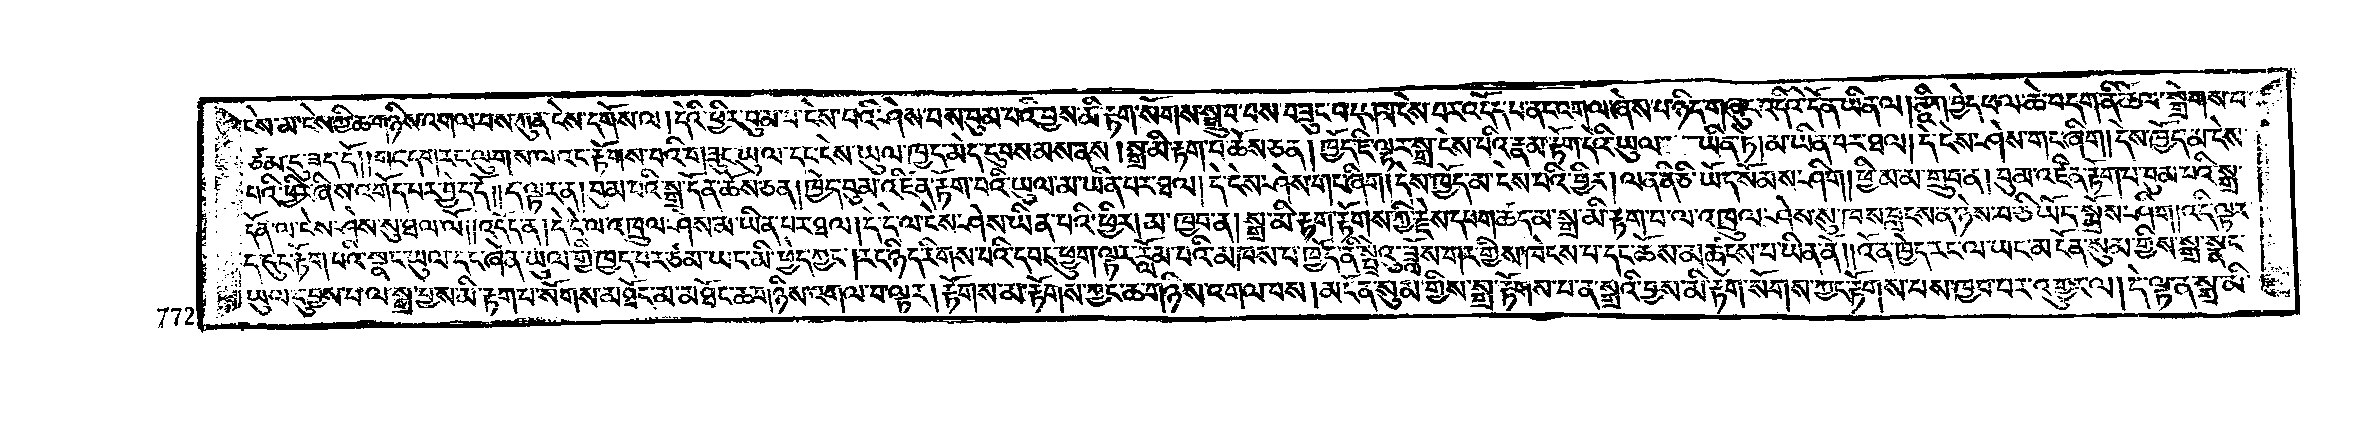ངེས་མ་ངེས་ཀྱི་ཆ་གཉིས་འགལ་བས་ཀུན་ངེས་དགོས་ལ། དེའི་ཕྱིར་བུམ་པ་ངེས་པའི་ཤེས་པས་བུམ་པའི་བྱས་མི་རྟག་སོགས་སྒྲུབ་པས་བཟུང་བ་དང་། མ་ངེས་བར་འདོད་པ་ནང་འགལ་ཞེས་པ་ཉིད་གཟུང་འདིའི་དོན་ཡིན་ལ། ཊཱིཀ་བྱེད་ཕལ་ཆེ་བདག་ནི་ཆོལ་སྒྲོགས་པ་
ཙམ་དུ་ཟད་དོ། །གང་དག་རང་ལུགས་ལའང་རྟོགས་པའི་གཟུང་ཡུལ་དང་ངེས་ཡུལ་ཁྱད་མེད་དུ་བསམས་ནས། སྒྲ་མི་རྟག་པ་ཆོས་ཅན། ཁྱོད་ཇི་ལྟར་སྒྲ་ངེས་པའི་རྣམ་རྟོག་དེའི་ཡུལ་ཡིན་ཏེ། མ་ཡིན་པར་ཐལ། དེ་ངེས་ཤེས་གང་ཞིག། དེས་ཁྱོད་མ་ངེས་
པའི་ཕྱིར་ཞེས་འགོད་པར་བྱེད་དོ། །དེ་ལྟར་ན། བུམ་པའི་སྒྲ་དོན་ཆོས་ཅན། ཁྱོད་བུམ་འཛིན་རྟོག་པའི་ཡུལ་མ་ཡིན་པར་ཐལ། དེ་ངེས་ཤེས་གང་ཞིག། དེས་ཁྱོད་མ་ངེས་པའི་ཕྱིར། ལན་ནི་ཅི་ཡོད་སོམས་ཤིག། ཕྱི་མ་མ་གྲུབ་ན། བུམ་འཛིན་རྟོག་པ་བུམ་པའི་སྒྲ་
དོན་ལ་ངེས་ཤེས་སུ་ཐལ་ལོ། །འདོད་ན། དེ་དེ་ལ་འཁྲུལ་ཤེས་མ་ཡིན་པར་ཐལ། དེ་དེ་ལས་ངེས་ཤེས་ཡིན་པའི་ཕྱིར། མ་ཁྱབ་ན། སྒྲ་མི་རྟག་རྟོགས་ཀྱི་རྗེས་དཔག་ཚད་མ་སྒྲ་མི་རྟག་པ་ལ་འཁྲུལ་ཤེས་སུ་ཁས་བླངས་ན་ཉེས་པ་ཅི་ཡོད་སྨྲོས་ཤིག། འདི་ལྟར་
ད་དུང་རྟོག་པའི་སྣང་ཡུལ་དང་ཞེན་ཡུལ་གྱི་ཁྱད་པར་ཙམ་ཡང་མི་ཕྱེད་ཀྱང་། རང་ཉིད་རིགས་པའི་དབང་ཕྱུག་ལྟར་རློམ་པའི་མཁས་པ་ཁྱོད་ནི་སྤྲེའུ་ཟློས་གར་གྱིས་ཁེངས་པ་དང་ཆོས་མཚུངས་པ་ཡིན་ནོ། །འོ་ན་ཁྱེད་རང་ལ་ཡང་མངོན་སུམ་གྱིས་སྒྲ་སྣང་
ཡུལ་དུ་བྱས་པ་ལ་སྒྲ་བྱས་མི་རྟག་པ་སོགས་མཐོང་མ་མཐོང་ཆ་གཉིས་འགལ་བ་ལྟར། རྟོགས་མ་རྟོགས་ཀྱང་ཆ་གཉིས་འགལ་པས། མངོན་སུམ་གྱིས་སྒྲ་རྟོགས་པ་ན་སྒྲའི་བྱས་མི་རྟག་སོགས་ཀྱང་རྟོགས་པས་ཁྱབ་པར་འགྱུར་ལ། དེ་ལྟ་ན་སྒྲ་མི་